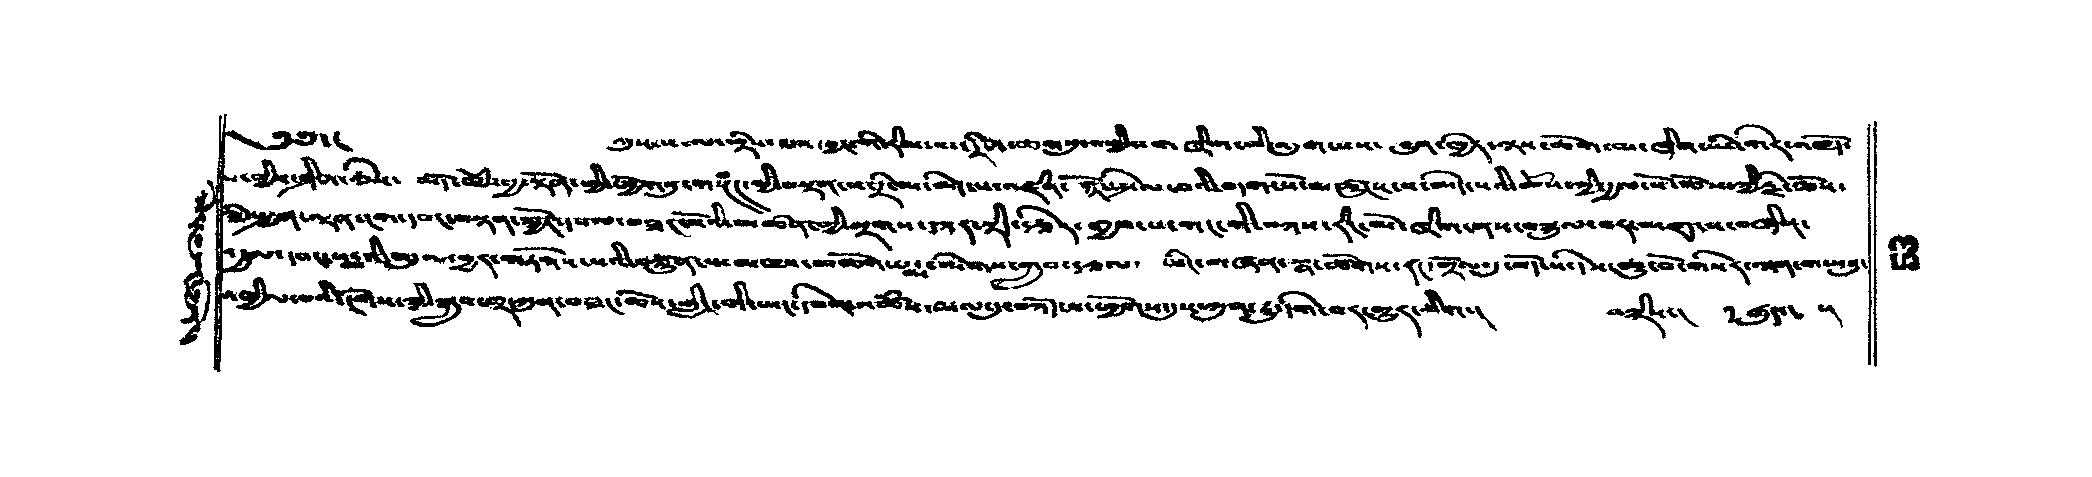འདུས་པ་ལ་ཕྲིན་ལས་ལས་བྱང་གི་རིམ་པ་སྒྲིག་ཆགས་སུ་བགྱིས་པ་ཞིག་མི་འདུག་པས། རྒྱུན་ཁྱེར་ལྟས་ཆོག་མ་ཞིག་ཡི་གེར་འཁོད་
པ་གྱིས་ཤིག་ཅེས། མདོ་ཁམས་རྒྱ་སྟོན་གྱི་ཕྱོགས་སུ་གསང་སྔགས་ཀྱི་བསྟན་པ་དྲི་མ་མེད་པ་འཛིན་སྐྱོང་སྤེལ་བའི་བདག་པོ་མཚུངས་པ་མེད་པའི་ཆོས་ཀྱི་རྒྱལ་པོ་ཆོས་ཀྱི་རྗེ་ཆོས་
ཀྱི་སྤྱན་ལྡན་ངག་དབང་བསྟན་སྐྱོང་དཔལ་བཟང་པོའི་མཚན་གྱི་གྲགས་དཀར་སྲིད་རྩེར་ཁྱབ་པ་གང་ཞིག་བཀས་རིང་མོ་ཞིག་ནས་བསྐུལ་བར་མཛད་པ་བཞིན། 
རྒྱལ་དབང་པདྨའི་གདུལ་བྱར་གཏོགས་པའི་བཙུན་པ་མཁས་མཆོག་པདྨ་ལེགས་གྲུབ་རྩལ།མིང་གཞན་སྣ་ཚོགས་རང་གྲོལ་དུ་འབོད་པ་དེས་ཆུ་བོ་གསེར་ལྡན་གཡས་སུ་
འཁྱིལ་བའི་ངོགས་ཀྱི་སྒྲུབ་གྲྭ་ཀུནལབཟང་ཆོས་གླིང་གི་ཡང་དབེན་མཚམས་མལ་དུ་བཀོད་པ་ཕྱོགས་དུས་ཀུན་དུ་དགེ་བར་གྱུར་ཅིག་ བཀྲ་ཤིས།